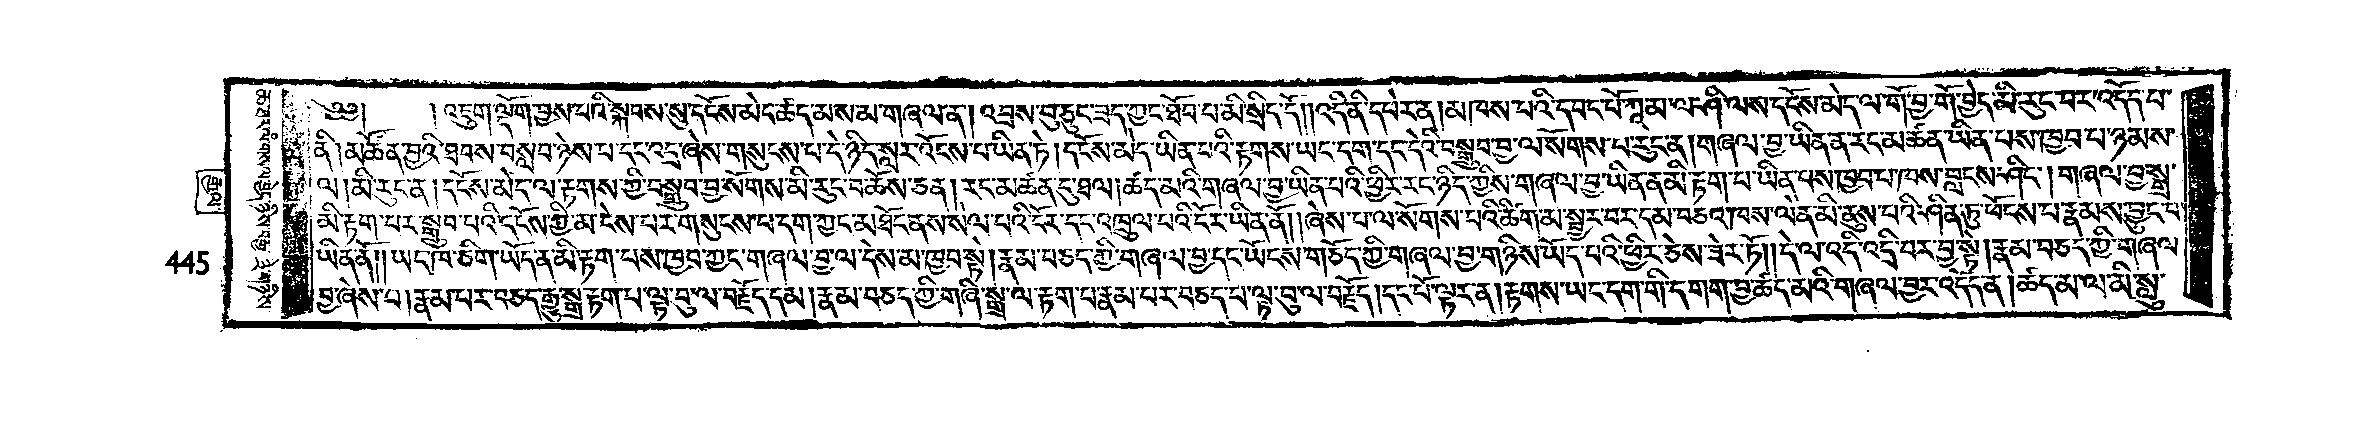༄༅། །འཇུག་ལྡོག་བྱས་པའི་སྐབས་སུ་དངོས་མེད་ཚད་མས་མ་གཞལ་ན། འབྲས་བུ་ཅུང་ཟད་ཀྱང་ཐོབ་པ་མི་སྲིད་དོ། །འདི་ནི་དཔེར་ན། མཁས་པའི་དབང་པོ་ཀཱ་མ་ལ་ཤི་ལས་དངོས་མེད་ལ་གོ་བྱ་གོ་བྱེད་མི་རུང་བར་འདོད་པ་
ནི། མཚོན་བྱའི་ཐབས་བསླབ་ཉེས་པ་དང་འདྲ་ཞེས་གསུངས་པ་དེ་ཉིད་སླར་འོངས་པ་ཡིན་ཏེ། དངོས་མེད་ཡིན་པའི་རྟགས་ཡང་དག་དང་དེའི་བསྒྲུབ་བྱ་ལ་སོགས་པ་རུང་ན། གཞལ་བྱ་ཡིན་ན་རང་མཚན་ཡིན་པས་ཁྱབ་པ་ཉམས་
ལ། མི་རུང་ན། དངོས་མེད་ལ་རྟགས་ཀྱི་བསྒྲུབ་བྱ་སོགས་མི་རུང་བ་ཆོས་ཅན། རང་མཚན་དུ་ཐལ། ཚད་མའི་གཞལ་བྱ་ཡིན་པའི་ཕྱིར་རང་ཉིད་ཀྱིས་གཞལ་བྱ་ཡིན་ན་མི་རྟག་པ་ཡིན་པས་ཁྱབ་པ་ཁས་བླངས་ཤིང་། གཞལ་བྱ་སྒྲ་
མི་རྟག་པར་སྒྲུབ་པའི་དངོས་ཀྱི་མ་ངེས་པར་གསུངས་པ་དག་ཀྱང་མཐོང་ནས་སེལ་པའི་ངོར་དང་འཁྲུལ་པའི་ངོར་ཡིན་ནོ། །ཞེས་པ་ལ་སོགས་པའི་ཚིག་མ་སྦྱར་བར་དམ་བཅའ་ཁས་ལེན་མི་ནུས་པའི་ཤིན་ཏུ་ཕོངས་པ་རྣམས་བྱུང་པ་
ཡིན་ནོ། །ཡང་ཁ་ཅིག་ཡོད་ན་མི་རྟག་པས་ཁྱབ་ཀྱང་གཞལ་བྱ་ལ་དེས་མ་ཁྱབ་སྟེ། རྣམ་བཅད་ཀྱི་གཞལ་བྱ་དང་ཡོངས་གཅོད་ཀྱི་གཞལ་བྱ་གཉིས་ཡོད་པའི་ཕྱིར་ཅེས་ཟེར་ཏོ། །དེ་ལ་འདི་འདྲི་བར་བྱ་སྟེ། རྣམ་བཅད་ཀྱི་གཞལ་
བྱ་ཞེས་པ། རྣམ་པར་བཅད་རྒྱུ་སྒྲ་རྟག་པ་ལྟ་བུ་ལ་བརྗོད་དམ། རྣམ་བཅད་ཀྱི་གཞི་སྒྲ་ལ་རྟག་པ་རྣམ་པར་བཅད་པ་ལྟ་བུ་ལ་བརྗོད། དང་པོ་ལྟར་ན། རྟགས་ཡང་དག་གི་དགག་བྱ་ཚད་མའི་གཞལ་བྱར་འདོད་ན། ཚད་མ་ལ་མི་སླུ་